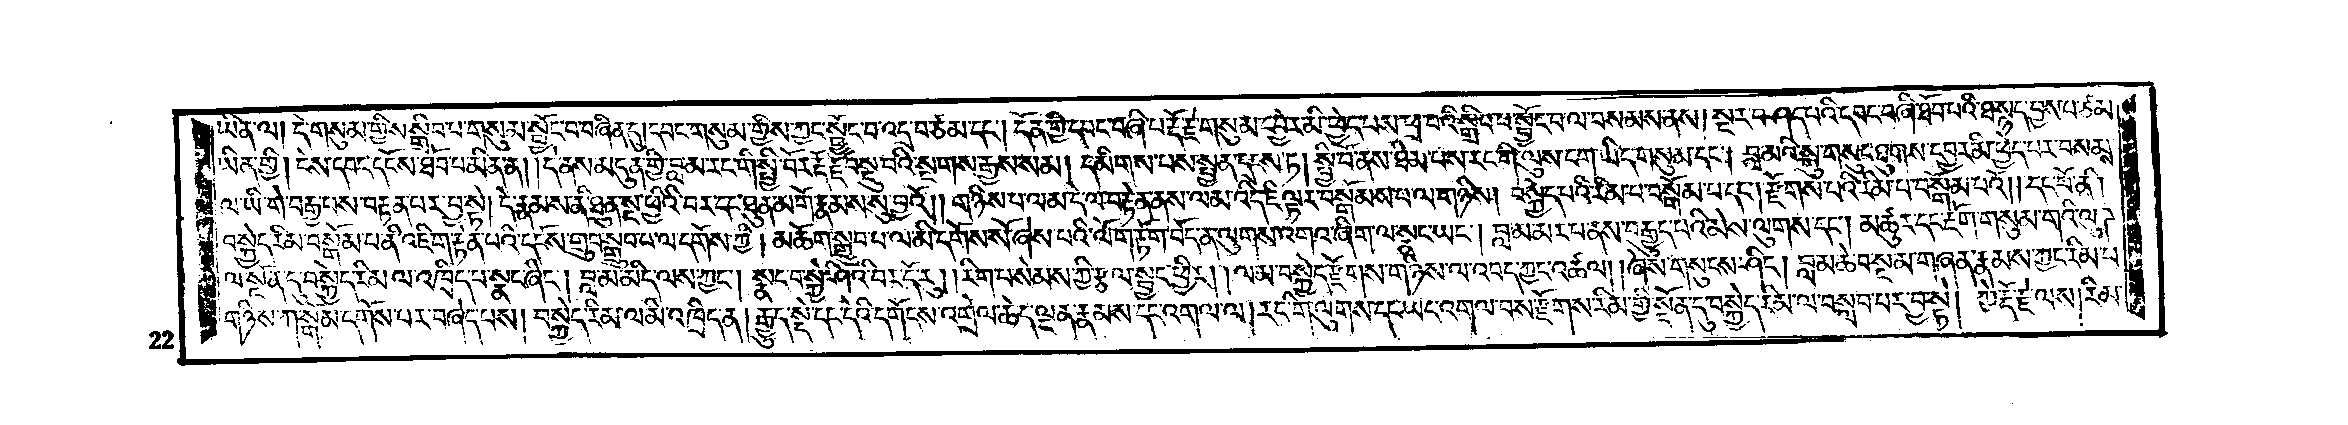ཡིན་ལ། དེ་གསུམ་གྱིས་སྒྲིབ་པ་གསུམ་སྦྱོང་བ་བཞིན་དུ། དབང་གསུམ་གྱིས་ཀྱང་སྦྱོང་བ་འདྲ་བ་ཙམ་དང་། དོན་གྱི་དབང་བཞི་པ་རྡོ་རྗེ་གསུམ་དབྱེར་མི་ཕྱེད་པས་ཕྲ་བའི་སྒྲིབ་པ་སྦྱོང་བ་ལ་བསམས་ནས། སྔར་བཤད་པའི་དབང་བཞི་ཐོབ་པའི་ཐ་སྙད་བྱས་པ་ཙམ་
ཡིན་གྱི། དེས་དབང་དངོས་ཐོབ་པ་མིན་ནོ། །དེ་ནས་མདུན་གྱི་བླ་མ་རང་གི་སྤྱི་བོར་རྡོ་རྗེ་བསྡུ་བའི་སྔགས་རྒྱས་སམ། དམིགས་པས་སྤྱན་དྲངས་ཏེ། སྤྱི་བོ་ནས་ཐིམ་པས་རང་གི་ལུས་ངག་ཡིད་གསུམ་དང་། བླ་མའི་སྐུ་གསུང་ཐུགས་དབྱེར་མི་ཕྱེད་པར་བསམས་
ལ་ཡི་གེ་བརྒྱ་པས་བརྟན་པར་བྱ་སྟེ། དེ་རྣམས་ནི་ཐུན་སྔ་ཕྱིའི་བར་དང་ཐུན་མགོ་རྣམས་སུ་བྱའོ། །གཉིས་པ་ལམ་དེ་ལ་བརྟེན་ནས་ལམ་འདི་ཇི་ལྟར་བསྒོམས་པ་ལ་གཉིས། བསྐྱེད་པའི་རིམ་པ་བསྒོམ་པ་དང་། རྫོགས་པའི་རིམ་པ་བསྒོམ་པའོ། །དང་པོ་ནི།
བསྐྱེད་རིམ་བསྒོམ་པ་ནི་འཇིག་རྟེན་པའི་དངོས་གྲུབ་སྒྲུབ་པ་ལ་དགོས་ཀྱི། མཆོག་སྒྲུབ་པ་ལ་མི་དགོས་སོ་ཞེས་པའི་ལོག་རྟོག་བོད་ན་ལུགས་འགའ་ཞིག་ལ་སྣང་ཡང་། བླ་མ་མར་པ་ནས་བརྒྱུད་པའི་མེས་ལུགས་དང་། མཚུར་དང་རྡོག་གསུམ་གའི་ལུགས་
ལ་སྔོན་དུ་བསྐྱེད་རིམ་ལ་འཁྲིད་པ་སྣང་ཞིང་། བླ་མ་མིད་ལས་ཀྱང་། སྣང་བ་སྐྱེ་ཤིའི་བར་དོ་རུ། །རིག་པ་སེམས་ཀྱི་རྩལ་སྦྱང་ཕྱིར། །ལམ་བསྐྱེད་རྫོགས་གཉིས་ལ་འབད་ཀྱང་འཚལ། །ཞེས་གསུངས་ཤིང་། བླ་མ་ཆེ་བ་སྔ་མ་གཞན་རྣམས་ཀྱང་རིམ་པ་
གཉིས་ཀ་སྒོམ་དགོས་པར་བཞེད་པས། བསྐྱེད་རིམ་ལ་མི་འཁྲིད་ན། རྒྱུད་སྡེ་དང་དེའི་དགོངས་འགྲེལ་ཆེད་ལྡན་རྣམས་དང་འགལ་ལ། རང་གི་ལུགས་དང་ཡང་འགལ་བས་རྫོགས་རིམ་གྱི་སྔོན་དུ་བསྐྱེད་རིམ་ལ་བསླབ་པར་བྱ་སྟེ། ཀྱེ་རྡོ་རྗེ་ལས། རིམ་
ཟ་